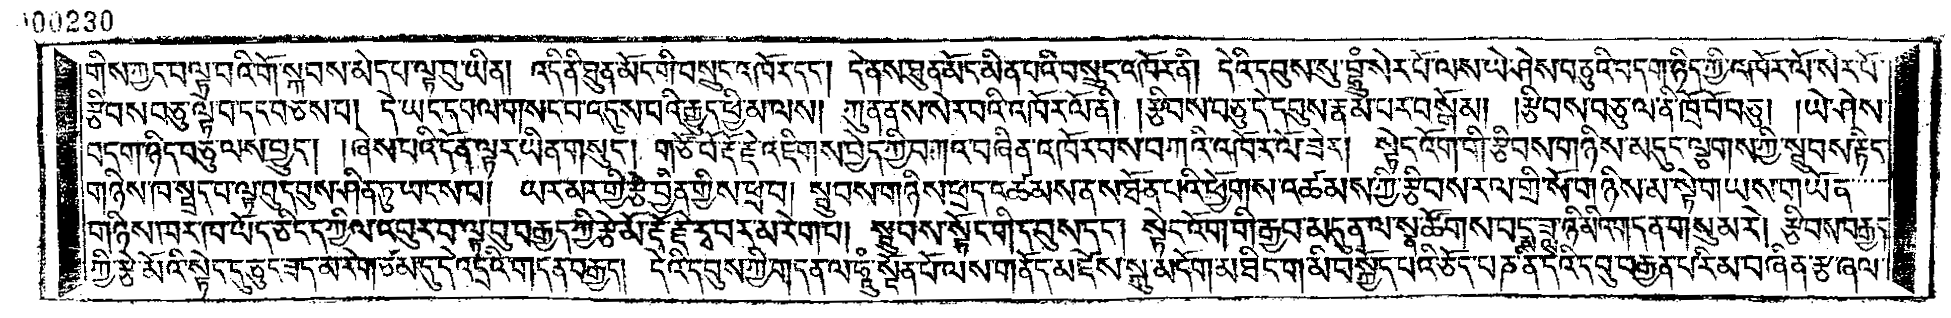གིས་ཀྱང་བལྟ་བའི་གོ་སྐབས་མེད་པ་ལྟ་བུ་ཡིན། འདི་ནི་ཐུན་མོང་གི་བསྲུང་འཁོར་དང་། དེ་ནས་ཐུན་མོང་མིན་པའི་བསྲུང་འཁོར་ནི། དེའི་དབུས་སུ་བྷྲུཾ་སེར་པོ་ལས་ཡེ་ཤེས་བཅུའི་བདག་ཉིད་ཀྱི་འཁོར་ལོ་སེར་པོ་
རྩིབས་བཅུ་ལྟེ་བ་དང་བཅས་པ། དེ་ཡང་དཔལ་གསང་བ་འདུས་པའི་རྒྱུད་ཕྱི་མ་ལས། ཀུན་ནས་སེར་བའི་འཁོར་ལོ་ནི། །རྩིབས་བཅུ་དེ་དབུས་རྣམ་པར་བསྒོམ། །རྩིབས་བཅུ་ལ་ནི་ཁྲོ་བོ་བཅུ། །ཡེ་ཤེས་
བདག་ཉིད་བཅུ་ལས་བྱུང་། །ཞེས་པའི་དོན་ལྟར་ཡིན་གསུང་། གཙོ་བོ་རྡོ་རྗེ་འཇིགས་བྱེད་ཀྱི་བཀའ་བཞིན་འཁོར་བས་བཀའི་འཁོར་ལོ་ཟེར། སྟེང་འོག་གི་རྩིབས་གཉིས་མདུང་ལྕགས་ཀྱི་སྦུབས་རྟིང་
གཉིས་ཁ་སྤྲད་པ་ལྟ་བུ་དབུས་ཤིན་ཏུ་ཡངས་པ། ཡར་མར་གྱི་རྩེ་བྱིན་གྱིས་ཕྲ་བ། སྦུབས་གཉིས་ཕྲད་འཚམས་ནས་ཐོན་པའི་ཕྱོགས་འཚམས་ཀྱི་རྩིབས་རལ་གྲི་སོ་གཉིས་མ་སྟེ་གཡས་གཡོན་
གཉིས་ཁར་ཁ་ཡོད་ཅིང་དཀྱིལ་འབུར་བ་ལྟ་བུ་བརྒྱད་ཀྱི་རྩེ་མོ་རྡོ་རྗེ་རྭ་བར་མ་རེག་པ། སྦུབས་སྟོང་གི་དབུས་དང་། སྟེང་འོག་གི་རྒྱབ་མདུན་ལ་སྣ་ཚོགས་པདམ་ཟླ་ཉི་མའི་གདན་གསུམ་རེ། རྩིབས་བརྒྱད་
ཀྱི་རྩེ་མོའི་སྟེང་དུ་ཅུང་ཟད་མ་རེག་ཙམ་དུ་དེ་འདྲའི་གདན་བརྒྱད། དེའི་དབུས་ཀྱི་གདན་ལ་ཧཱུཾ་སྔོན་པོ་ལས་གནོད་མཛེས་སྐུ་མདོག་མཐིང་ག་མི་བསྐྱོད་པའི་ཅོད་པཎ་ནི་དེའི་དབུ་བརྒྱན་པ་རིམ་བཞིན་རྩ་ཞལ་